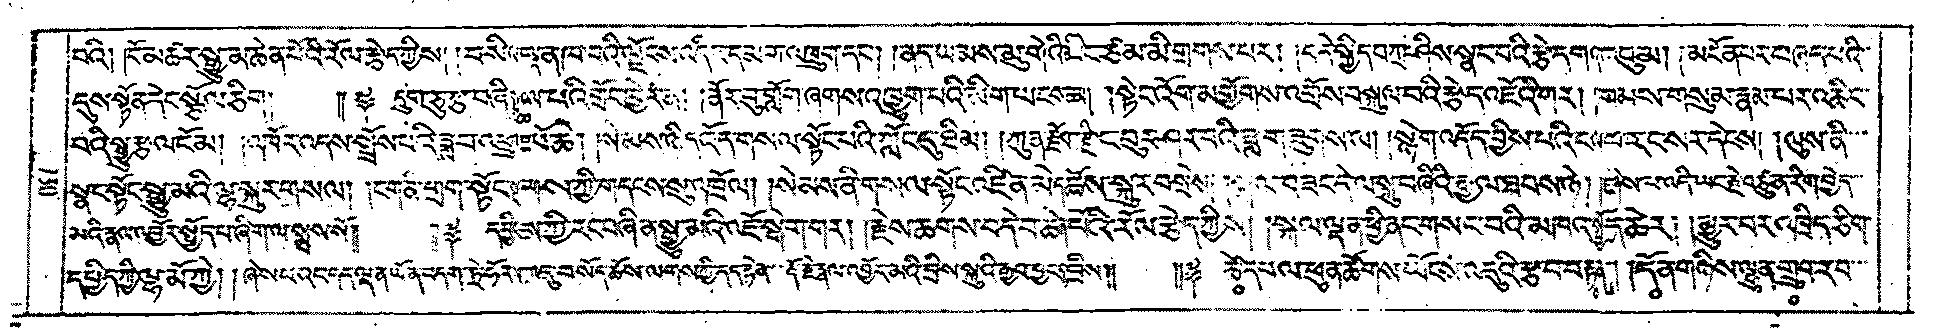བའི། །ངོ་མཚར་སྒྱུ་མ་ཆེན་པོའི་རོལ་རྩེད་ཀྱིས། །བསིལ་ལྡན་ཁ་བའི་ལྗོངས་འདིར་དམག་འཁྲུག་དང་། །ནད་ཡམས་མུ་གེའི་མིང་ཙམ་མི་གྲགས་པར། །བདེ་སྐྱིད་བཀྲ་ཤིས་སྣང་བའི་རྩེ་དགའ་འབུམ། །མངོན་པར་བཞད་པའི་
དུས་སྟོན་དེང་སྩོལ་ཅིག ། །། ༈ དྲུག་ཅུ་རྩ་བཞི་སྤྲུལ་པའི་གྲོང་ཁྱེར་ན། །ནོར་བུ་གློག་ཞགས་འཁྱུག་པའི་མིག་ཡངས་མ། །སྟེང་འོག་མགྱོགས་འགྲོས་བསྐུལ་བའི་རྩེད་འཇོའི་གར། །ཁམས་གསུམ་རྣམ་པར་འཆིང་
བའི་སྒྱུ་རྩལ་ངོམ། །འཁོར་འདས་སྤྲོས་པའི་ཟླ་བ་འཕྲུལ་པོ་ཆེ། །སེམས་ཉིད་འོད་གསལ་སྟོང་པའི་ཀློང་དུ་ཐིམ། །ཀུན་རྫོབ་རྫིང་བུར་ཤར་བའི་ཟླ་གཟུགས་ལ། །སྙེག་འདོད་བྱིས་པའི་ངལ་བ་རང་སར་དེངས། །ལུས་ནི་
སྣང་སྟོང་སྒྱུ་མའི་ལྷ་སྐུར་གསལ། །ངག་ནི་གྲག་སྟོང་སྔགས་ཀྱི་གདངས་སུ་འཁྲོལ། །སེམས་ནི་གསལ་སྟོང་འཛིན་མེད་ཆོས་སྐུར་བསྲེས། །སྐལ་བཟང་དེ་ལ་སྐུ་བཞིའི་རྒྱལ་ཐབས་ཉེ། །ཞེས་པ་འདི་ཡང་རྗེ་བཙུན་རིག་བྱེད་
མའི་རྣལ་འབྱོར་སྤྱོད་པ་ཞིག་ལ་སྨྲས་སོ།། །། ༈ དབྱིངས་ཀྱི་རང་བཞིན་སྒྱུ་མའི་འཇོ་སྒེག་གར། །རྗེས་ཆགས་བདེ་བ་ཆེན་པོའི་རོལ་རྩེད་ཀྱིས། །སྐལ་ལྡན་ཕྱི་ནང་གསང་བའི་མཁའ་སྤྱོད་ཆེར། །མྱུར་བར་འཁྲིད་ཅིག་
དཔྱིད་ཀྱི་ལྷ་མོ་ཀྱེ། ། ཞེས་པའང་དད་ལྡན་ཡོན་བདག་ཏྲེ་ཧོར་ས་འདུ་བསོད་ཆོས་ལགས་ཀྱི་དད་རྟེན་རྡོ་རྗེ་རྣལ་འབྱོར་མའི་བྲིས་སྐུའི་རྒྱབ་བྱང་དུ་བྲིས།།  །། ༈ ཚེ྾་དཔལ་ཕུན་ཚོགས་ཡོངས་འདུའི་རྩ་བ་བརྟན྾། །དོན྾་གཉིས་ལྷུན་གྲུབ྾་རབ་